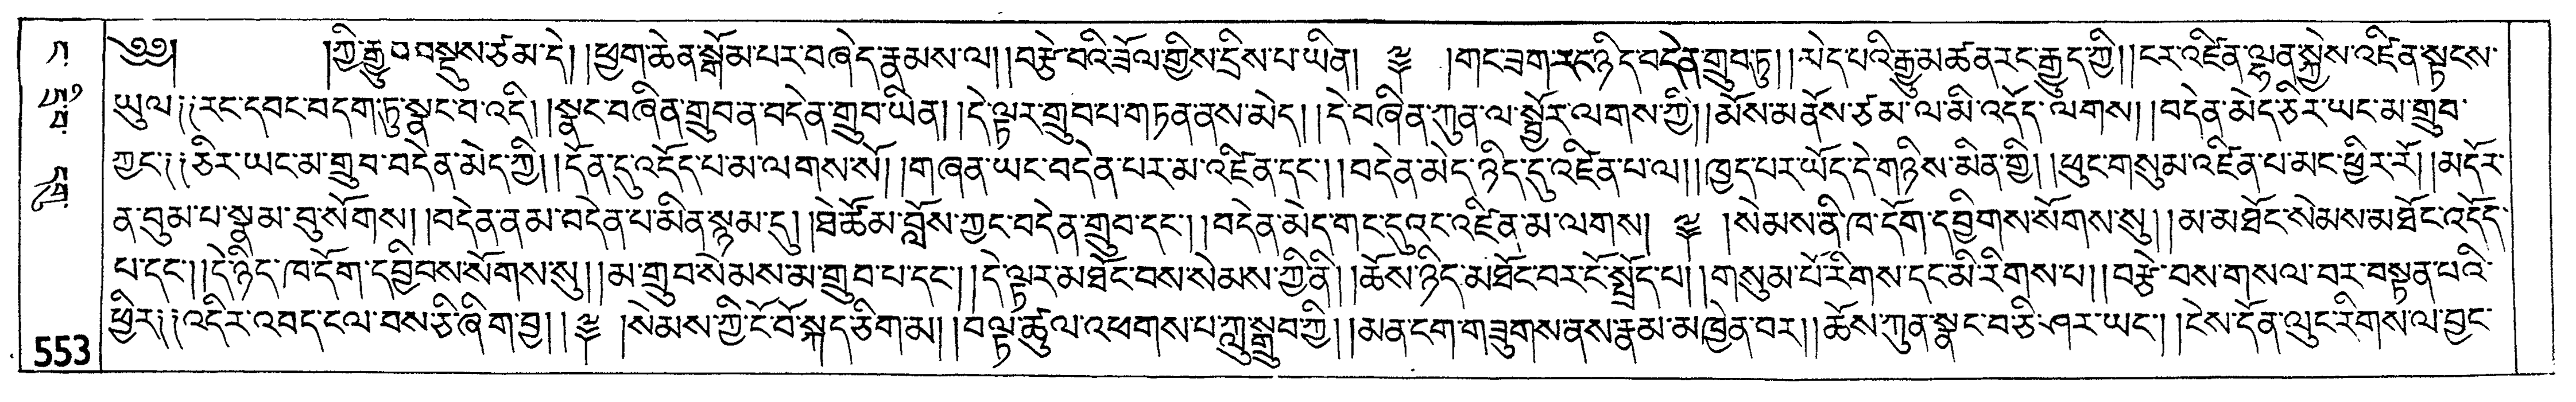༄༅། །ཀྱི་རྒྱུ་བ་བསྡུས་ཙམ་དེ། །ཕྱག་ཆེན་སྒོམ་པར་བཞེད་རྣམས་ལ། །བརྩེ་བའི་ཟོལ་གྱིས་དྲིས་པ་ཡིན། ༈ །གང་ཟག་རང་ཉིད་བདེན་གྲུབ་ཏུ། །མེད་པའི་རྒྱུ་མཚན་རང་རྒྱུད་ཀྱི། །ངར་འཛིན་ལྷན་སྐྱེས་འཛིན་སྟངས་
ཡུལ༑ ༑རང་དབང་བདག་ཏུ་སྣང་བ་འདི། །སྣང་བཞིན་གྲུབ་ན་བདེན་གྲུབ་ཡིན། །དེ་ལྟར་གྲུབ་པ་གཏན་ནས་མེད། །དེ་བཞིན་ཀུན་ལ་སྦྱོར་ལགས་ཀྱི། །མོས་མནོས་ཙམ་ལ་མི་འདོད་ལགས། །བདེན་མེད་ཅིར་ཡང་མ་གྲུབ་
ཀྱང༑ ༑ཅིར་ཡང་མ་གྲུབ་བདེན་མེད་ཀྱི། །དོན་དུ་འདོད་པ་མ་ལགས་སོ། །གཞན་ཡང་བདེན་པར་མ་འཛིན་དང་། །བདེན་མེད་ཉིད་དུ་འཛིན་པ་ལ། །ཁྱད་པར་ཡོད་དེ་གཉིས་མིན་གྱི། །ཕུང་གསུམ་འཛིན་པ་མང་ཕྱིར་རོ། །མདོར་
ན་བུམ་པ་སྣམ་བུ་སོགས། །བདེན་ནམ་བདེན་པ་མིན་སྙམ་དུ། །ཐེ་ཚོམ་བློས་ཀྱང་བདེན་གྲུབ་དང་། །བདེན་མེད་གང་དུའང་འཛིན་མ་ལགས། ༈ །སེམས་ནི་ཁ་དོག་དབྱིགས་སོགས་སུ། །མ་མཐོང་སེམས་མཐོང་འདོད་
པ་དང་། །དེ་ཉིད་ཁ་དོག་དབྱིབས་སོགས་སུ། །མ་གྲུབ་སེམས་མ་གྲུབ་པ་དང་། །དེ་ལྟར་མཐོང་བས་སེམས་ཀྱི་ནི། །ཆོས་ཉིད་མཐོང་བར་ངོ་སྤྲོད་པ། །གསུམ་པོ་རིགས་དང་མི་རིགས་པ། །བརྩེ་བས་གསལ་བར་བསྟན་པའི་
ཕྱིར༑ ༑འདིར་འབད་ངལ་བས་ཅི་ཞིག་བྱ། ། ༈ །སེམས་ཀྱི་ངོ་བོ་སྐད་ཅིག་མ། །བལྟ་ཚུལ་འཕགས་པ་ཀླུ་སྒྲུབ་ཀྱི། །མན་ངག་གཟུགས་ནས་རྣམ་མཁྱེན་བར། །ཆོས་ཀུན་སྣང་བ་ཅི་ཤར་ཡང་། །ངེས་དོན་ལུང་རིགས་ལ་བྱང་